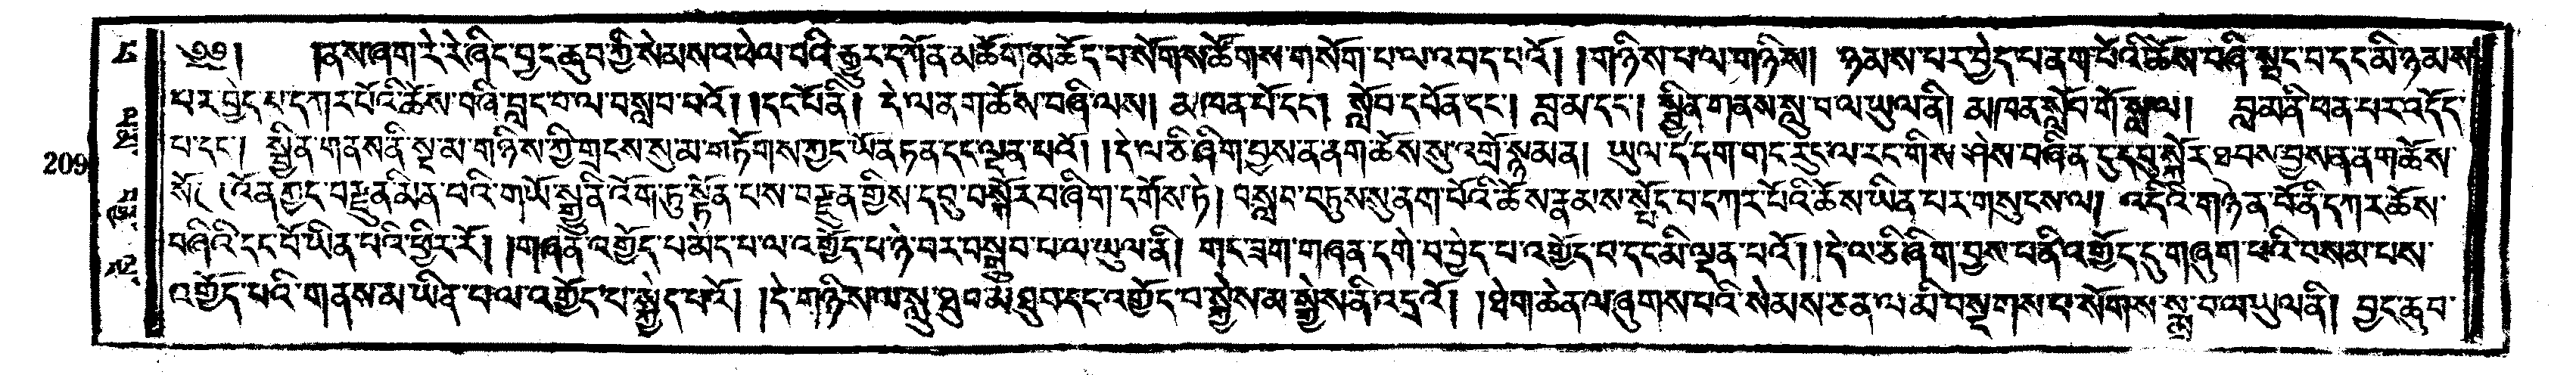༄༅། །ནས་ཞག་རེ་རེ་ཞིང་བྱང་ཆུབ་ཀྱི་སེམས་འཕེལ་བའི་རྒྱུར་དཀོན་མཆོག་པ་སོགས་ཚོགས་གསོག་པ་ལ་འབད་པའོ། །གཉིས་པ་ལ་གཉིས། ཉམས་པར་བྱེད་པ་ནག་པོའི་ཆོས་བཞི་སྤང་བ་དང་མི་ཉམས་
པར་བྱེད་པ་དཀར་པོའི་ཆོས་བཞི་བླང་བ་ལ་བསླབ་པའོ། །དང་པོ་ནི། དེ་ལན་ག་ཆོས་བཞི་ལས། མཁན་པོ་དང་། སློབ་དཔོན་དང་། བླ་མ་དང་། སྦྱིན་གནས་སླུ་བ་ལ་ཡུལ་ནི། མཁན་སློབ་གོ་སླ་ལ། བླ་མ་ནི་ཕན་པར་འདོད་
པ་དང་། སྦྱིན་གནས་ནི་སྔ་མ་གཉིས་ཀྱི་གྲངས་སུ་མ་གཏོགས་ཀྱང་ཡོན་ཏན་དང་ལྡན་པའོ། །དེ་ལ་ཅི་ཞིག་བྱས་ན་ནག་ཆོས་སུ་འགྲོ་སྙམ་ན། ཡུལ་དེ་དག་གང་རུང་ལ་རང་གིས་ཤེས་བཞིན་དུ་དབུ་སྐོར་ཐབས་བྱས་ན་ནག་ཆོས་
སོ༑ ༑འོན་ཀྱང་བརྫུན་མིན་བའི་གཡོ་སྒྱུ་ནི་འོག་ཏུ་སྟོན་པས་བརྫུན་གྱིས་དབུ་བསྐོར་བ་ཞིག་དགོས་ཏེ། བསླབ་བཏུས་སུ་ནག་པོའི་ཆོས་རྣམས་སྤོང་བ་དཀར་པོའི་ཆོས་ཡིན་པར་གསུངས་ལ། འདིའི་གཉེན་པོ་ནི་དཀར་ཆོས་
བཞིའི་དང་པོ་ཡིན་པའི་ཕྱིར་རོ། །གཞན་འགྱོད་པ་མེད་པ་ལ་འགྱོད་པ་ཉེ་བར་བསྒྲུབ་པ་ལ་ཡུལ་ནི། གང་ཟག་གཞན་དགེ་བ་བྱེད་པ་འགྱོད་པ་དང་མི་ལྡན་པའོ། །དེ་ལ་ཅི་ཞིག་བྱས་པ་ནི་འགྱོད་དུ་གཞུག་པའི་བསམ་པས་
འགྱོད་པའི་གནས་མ་ཡིན་པ་ལ་འགྱོད་པ་སྐྱེད་པའོ། །དེ་གཉིས་ལ་སླུ་ཐུབ་མཐུབ་དང་འགྱོད་པ་སྐྱེས་མ་སྐྱེས་ནི་འདྲའོ། །ཐེག་ཆེན་ལ་ཞུགས་པའི་སེམས་ཅན་ལ་མི་བསྔགས་པ་སོགས་སྨྲ་བ་ལ་ཡུལ་ནི། བྱང་ཆུབ་